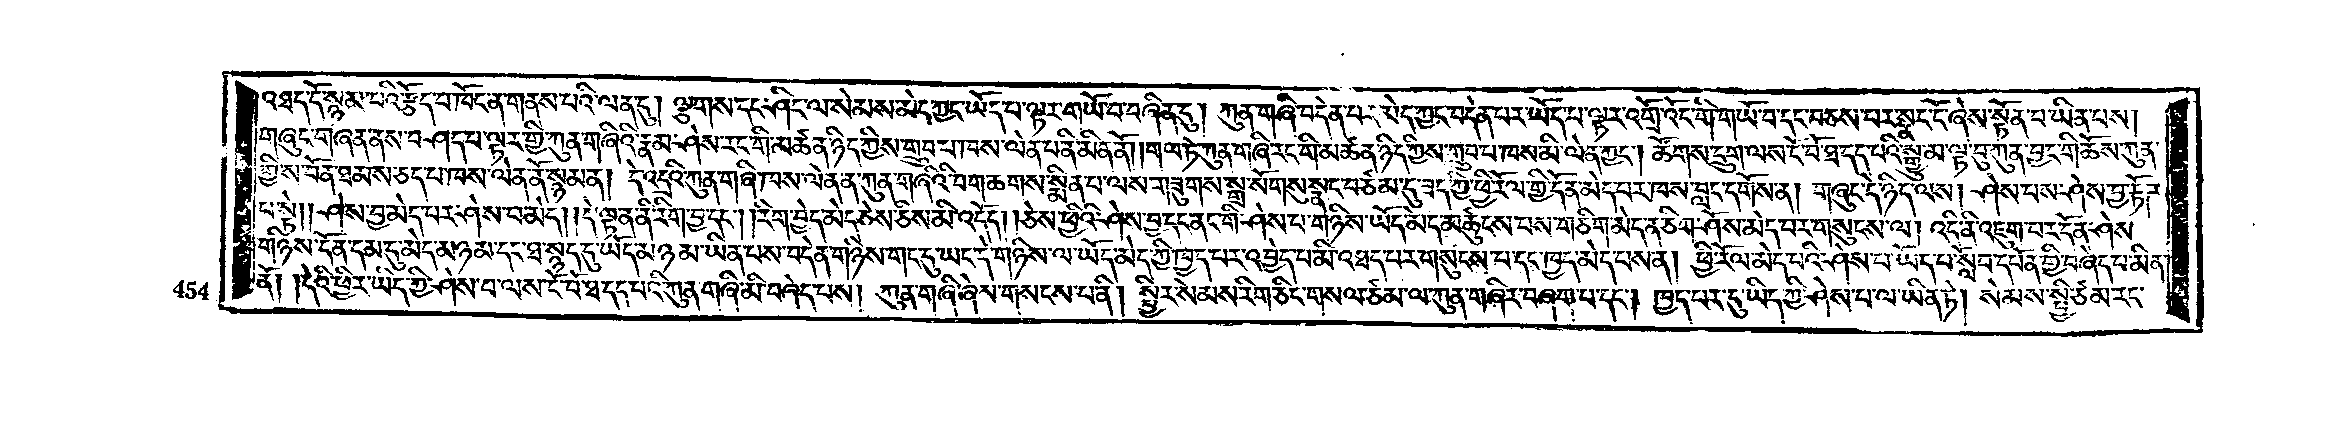འཐད་དོ་སྙམ་པའི་རྩོད་པ་ཁོང་ན་གནས་པའི་ལན་དུ། ལྕགས་དང་ཤིང་ལ་སེམས་མེད་ཀྱང་ཡོད་པ་ལྟར་གཡོ་བ་བཞིན་དུ། ཀུན་གཞི་བདེན་པར་མེད་ཀྱང་བདེན་པར་ཡོད་པ་ལྟར་འགྲོ་འོང་གི་གཡོ་བ་དང་བཅས་པར་སྣང་ངོ་ཞེས་སྟོན་པ་ཡིན་པས།
གཞུང་གཞན་ནས་བཤད་པ་ལྟར་གྱི་ཀུན་གཞིའི་རྣམ་ཤེས་རང་གི་མཚན་ཉིད་ཀྱིས་གྲུབ་པ་ཁས་ལེན་པ་ནི་མིན་ནོ། །གལ་ཏེ་ཀུན་གཞི་རང་གི་མཚན་ཉིད་ཀྱིས་གྲུབ་པ་ཁས་མི་ལེན་ཀྱང་། ཚོགས་དྲུག་ལས་ངོ་བོ་ཐ་དད་པའི་སྒྱུ་མ་ལྟ་བུ་ཀུན་བྱང་གི་ཆོས་ཀུན་
གྱི་ས་བོན་ཐམས་ཅད་པ་ཁས་ལེན་ནོ་སྙམ་ན། དེ་འདྲའི་ཀུན་གཞི་ཁས་ལེན་ན་ཀུན་གཞིའི་བག་ཆགས་སྨིན་པ་ལས་གཟུགས་སྒྲ་སོགས་སུ་སྣང་བ་ཙམ་དུ་ཟད་ཀྱི་ཕྱི་རོལ་གྱི་དོན་མེད་པར་ཁས་བླང་དགོས་ན། གཞུང་དེ་ཉིད་ལས། ཤེས་པས་ཤེས་བྱ་རྟོགས་
པ་སྟེ། །ཤེས་བྱ་མེད་པར་ཤེས་པ་མེད། །དེ་ལྟ་ན་ནི་རིག་བྱ་དང་། །རིག་བྱེད་མེད་ཅེས་ཅིས་མི་འདོད། །ཅེས་ཕྱིའི་ཤེས་བྱ་དང་ནང་གི་ཤེས་པ་གཉིས་ཡོད་མེད་མཚུངས་པས་གཅིག་མེད་ན་ཅིག་ཤོས་མེད་པར་གསུངས་ལ། འདི་ནི་འཇུག་པར་དོན་ཤེས་
གཉིས་དོན་དམ་དུ་མེད་མཉམ་དང་ཐ་སྙད་དུ་ཡོད་མཉམ་ཡིན་པས་བདེན་གཉིས་གང་དུ་ཡང་དེ་གཉིས་ལ་ཡོད་མེད་ཀྱི་ཁྱད་པར་འབྱེད་པ་མི་འཐད་པར་གསུངས་པ་དང་ཁྱད་མེད་པས་ན། ཕྱི་རོལ་མེད་པའི་ཤེས་པ་ཡོད་པ་སློབ་དཔོན་གྱི་བཞེད་པ་མིན་
ནོ། །དེའི་ཕྱིར་ཡིད་ཀྱི་ཤེས་པ་ལས་ངོ་བོ་ཐ་དད་པའི་ཀུན་གཞི་མི་བཞེད་པས། ཀུན་གཞི་ཞེས་གསུངས་པ་ནི། སྤྱིར་སེམས་རིག་ཅིང་གསལ་ཙམ་ལ་ཀུན་གཞིར་བཞག་པ་དང་། ཁྱད་པར་དུ་ཡིད་ཀྱི་ཤེས་པ་ལ་ཡིན་ཏེ། སེམས་སྤྱི་ཙམ་རང་